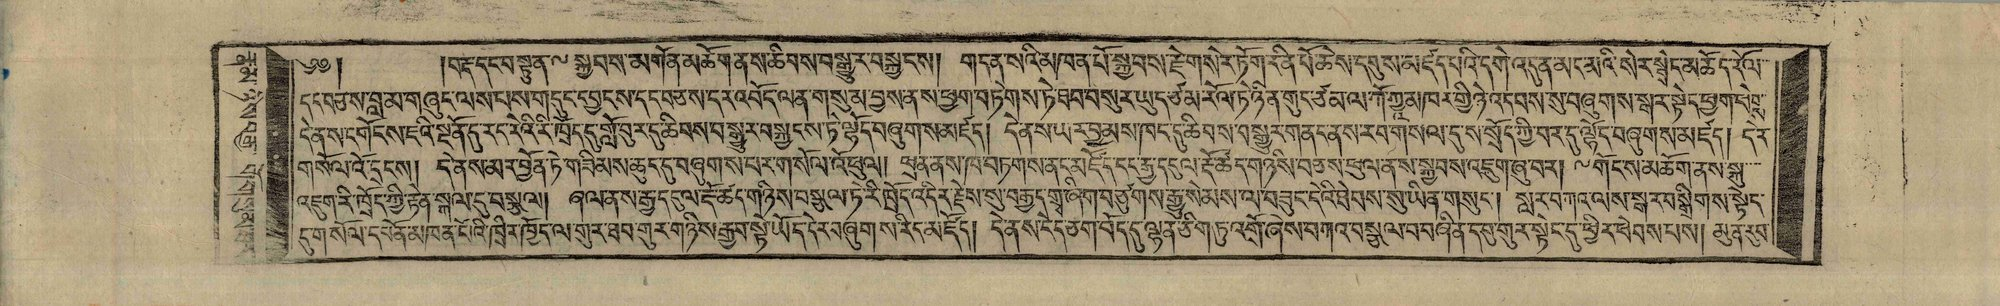༄༅། །བརྡ་དང་བསྟུན་༧སྐྱབས་མགོན་མཆོག་ནས་ཆིབས་བསྒྱུར་བསྐྱངས། གདན་སའི་མཁན་པོ་སྐྱབས་རྗེ་གསེར་ཏོག་རིན་པོ་ཆེས་དབུས་མཛད་པའི་དགེ་འདུན་མང་མའི་སེར་སྤྲེང་མཆོད་རོལ་
དང་བཅས་བླ་མ་གཞུང་ལས་པས་གདུང་དབྱངས་དང་བཅས་དར་འབོད་ལན་གསུམ་བྱས་ནས་ཕྱག་བཏེགས་ཏེ་ཐབ་བསུར་ཡུད་ཙམ་རོལ་ཏེ་ཉིན་གུང་ཙམ་ལ་ཀོ་ཀྱཱ་མཁར་གྱི་ཉེ་འདེབས་སུ་བཞུགས་སྒར་སྟེད་ཕྱག་ཕེབས་
དེ་ནས་དགོངས་ཇའི་སྔོན་དུ་རང་རེའི་རི་ཁྲོད་དུ་གློ་བུར་དུ་ཆིབས་བསྒྱུར་བསྐྱངས་ཏེ་ལྷོད་བཞུགས་མཛད། དེ་ནས་ཡར་བྱམས་ཁང་དུ་ཆིབས་བསྒྱུར་གནང་ནས་རབ་གསལ་དུ་ས་སྲོད་ཀྱི་བར་དུ་ལྷོད་བཞུགས་མཛད། དེར་
གསོལ་འོ་དྲངས། དེ་ནས་མར་བྱོན་ཏེ་གཟིམས་ཆུང་དུ་བཞུགས་པར་གསོལ་འོ་ཕུལ། ཕྲན་ནས་ཁ་བཏགས་ནང་མཛོད་དང་རྒྱ་དངུལ་རྡོ་ཚད་གཉིས་བཅས་ཕུལ་ནས་སྐྱབས་འཇུག་ཞུ་བར། ༧གོང་ས་མཆོག་ནས་སྐུ་
འཇུག་རི་ཁྲོད་ཀྱི་རྟེན་སྐལ་དུ་བསྩལ། ཞལ་ནས་རྒྱ་དངུལ་རྡོ་ཚད་གཉིས་བསྩལ་ཏེ་རི་ཁྲོད་འདིར་རྗེས་སུ་བརྒྱད་གྲྭ་ཞིག་བཙུགས་རྒྱུ་སེམས་ལ་བཟུང་དེའི་ཐེབས་སུ་ཡིན་གསུང་། སླར་བཀའ་ལས་སྒར་བསྒྲིགས་སྟེང་
དུ་གསོལ་དཔོན་མཁན་པོའི་ཁྲིར་ཁྱོད་ལ་གུར་ཐབ་གུར་གཉིས་རྒྱབ་སྟེ་ཡོད་དེར་བཞུགས་རིང་མཛོད། དེ་ནས་ངེད་ཅག་བོད་དུ་ལྷན་ཅིག་ཏུ་འགྲོ་ཞེས་བཀའ་བསྩལ་བ་བཞིན་དབུ་གུར་སྟེང་དུ་ཕྱིར་ཕེབས་པས། མུན་རུབ་